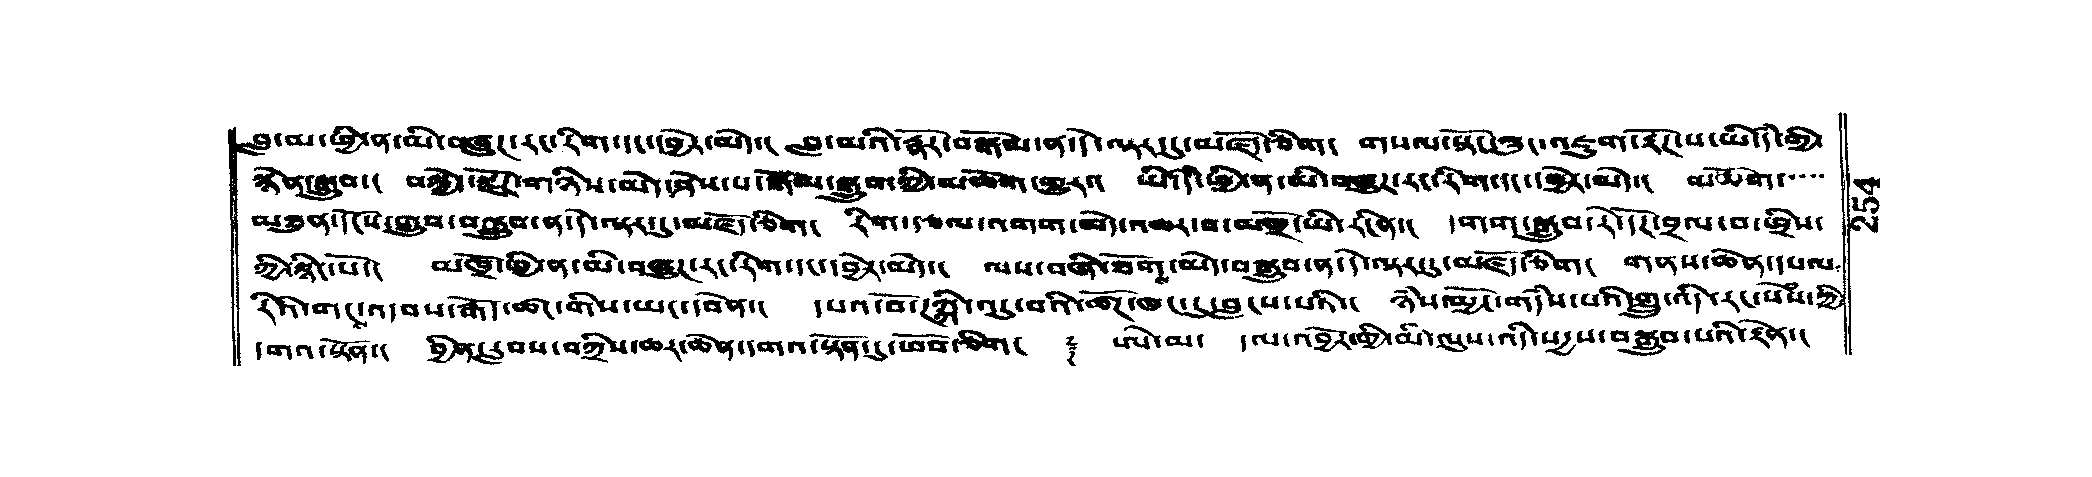།བླ་མ་ཕྱི་ན་མི་བཞུགས་རང་རིག་དང་དབྱེར་མེད། །བླ་མའི་རྣལ་འབྱོར་བསྒོམ་ན་དེ་ལྟར་དུ་མཛོད་ཅིག །གསལ་སྟོང་ཟུང་འཇུག་རྟོགས་པ་ཡི་དམ་གྱི་
སྙེན་སྒྲུབ། །བསྐྱེད་རྫོགས་གཉིས་མེད་ཤེས་པ་སྒོམ་སྒྲུབ་ཀྱི་མཆོག་གྱུར། །ཡི་དམ་ཕྱི་ན་མི་བཞུགས་རང་རིག་དང་དབྱེར་མེད། །མཆོག་
མཐུན་དངོས་གྲུབ་བསྒྲུབ་ན་དེ་ལྟར་དུ་མཛོད་ཅིག །རིག་རྩལ་འགག་མེད་འཆར་བ་མཁའ་འགྲོ་ཡི་རང་བཞིན། །དགག་སྒྲུབ་རེ་དོགས་བྲལ་བ་ཕྲིན་ལས་
ཀྱི་སྙིང་པོ། །མཁའ་འགྲོ་ཕྱི་ན་མི་བཞུགས་རང་རིག་དང་དབྱེར་མེད། །ལས་བཞི་ཐོགས་མེད་བསྒྲུབ་ན་དེ་ལྟར་དུ་མཛོད་ཅིག །གནས་ཆེན་དཔལ་
རིའི་གངས་འདབས་རྒོད་ཚང་གི་ཡང་དབེན། །དཔའ་བོ་ཌཱཀྐི་འདུ་བའི་ཚོགས་ཁང་དུ་བླངས་པའི། །ཉམས་མྱོང་གདམས་པའི་གླུ་འདི་རང་སེམས་ཀྱི་
དགའ་སྟོན། །བྱིན་རླབས་བཀའ་དྲིན་ཆར་ཆེན་དགའ་སྟོན་དུ་ཕོབ་ཅིག། ༈ ཨེ་མ། དལ་འབྱོར་གྱི་མི་ལུས་འདི་སངས་རྒྱས་བསྒྲུབ་པའི་རྟེན་